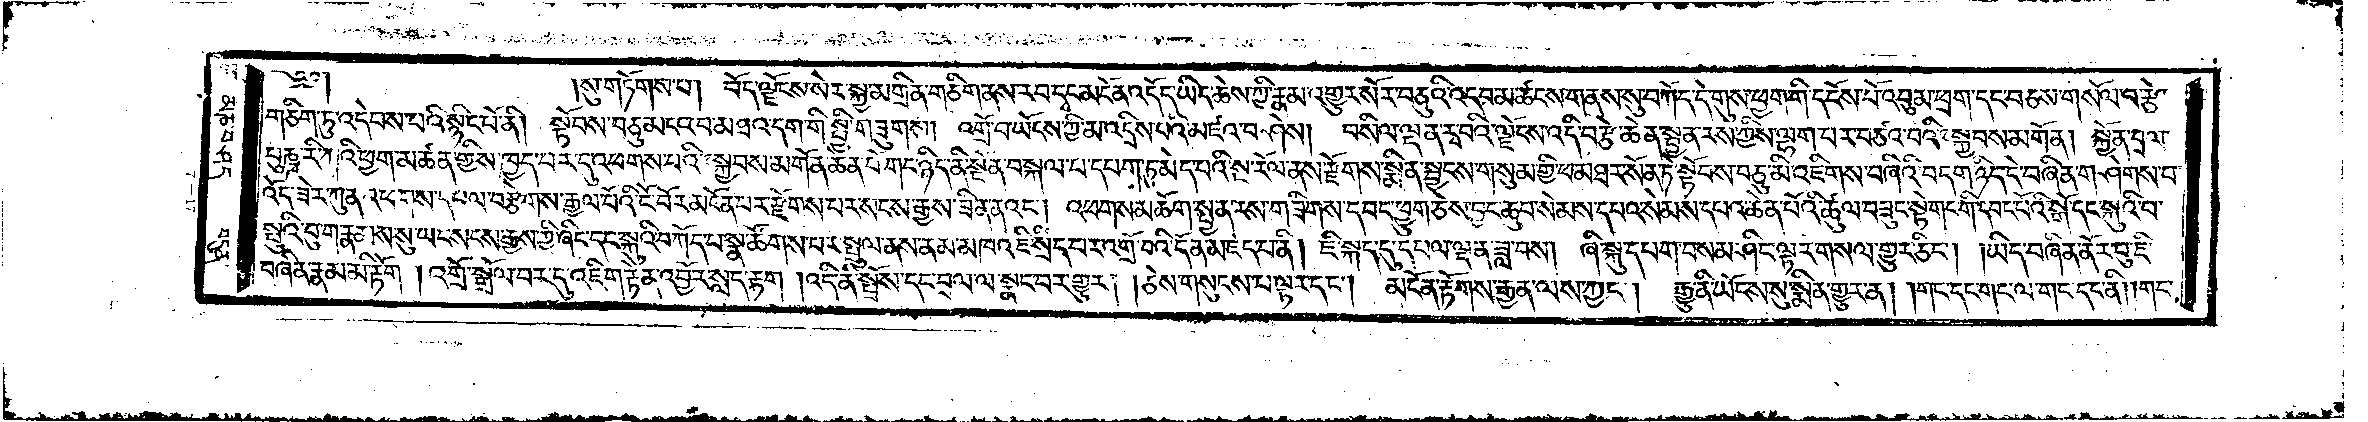༄༅། །སུ་གཏོགས་པ། བོད་ལྗོངས་སེར་སྐྱ་མགྲིན་གཅིག་ནས་རབ་དྭང་མངོན་འདོད་ཡིད་ཆེས་ཀྱི་རྣམ་འགྱུར་སོར་བཅུའི་འདབ་མ་ཚངས་གནས་སུ་བཀོད་དེ་གུས་ཕྱག་གི་དངོས་པོ་འབུམ་ཕྲག་དང་བཅས་གསོལ་བརྩེ་
གཅིག་ཏུ་འདེབས་པའི་སྙིང་པོ་ནི། སྟོབས་བཅུ་མངའ་བ་མཐའ་དག་གི་སྤྱི་གཟུགས། འགྲོ་བ་ཡོངས་ཀྱི་མ་འདྲིས་པའི་མཛའ་བཤེས། བསིལ་ལྡན་རྭ་བའི་ལྗོངས་འདི་བརྩེ་ཆེན་སྤྱན་རས་ཀྱིས་ལྷག་པར་བཙའ་བའི ༧སྐྱབས་མགོན། སྐྱོན་བྲལ་
པུཎྜ་རི་ཀའི་ཕྱག་མཚན་གྱིས་ཁྱད་པར་དུ་འཕགས་པའི་སྐྱབས་མགོན་ཆེན་པོ་གང་ཉིད་ནི་སྔོན་བསྐལ་པ་དཔག་ཏུ་མེད་པའི་སྔ་རོལ་ནས་རྫོགས་སྨིན་སྦྱངས་གསུམ་གྱི་ཕ་མཐར་སོན་ཏེ་སྟོབས་བཅུ་མི་འཇིགས་བཞིའི་བདག་ཉིད་དེ་བཞིན་གཤེགས་པ་
འོད་ཟེར་ཀུན་འཕགས་དཔལ་བརྩེགས་རྒྱལ་པོའི་ངོ་བོར་མངོན་པར་རྫོགས་པར་སངས་རྒྱས་ཟིན་ནའང་། འཕགས་མཆོག་སྤྱན་རས་གཟིགས་དབང་ཕྱུག་ཅེས་བྱང་ཆུབ་སེམས་དཔའ་སེམས་དཔའ་ཆེན་པོའི་ཚུལ་བཟུང་སྟེ་གང་གི་དབང་པོའི་སྒོ་དང་སྐུའི་པ་
སྤུའི་བུ་ག་རྣམས་སུ་ཡང་སངས་རྒྱས་ཀྱི་ཞིང་དང་སྐུའི་བཀོད་པ་སྣ་ཚོགས་པར་སྤྲུལ་ནས་ནམ་མཁའ་ཇི་སྲིད་པར་འགྲོ་བའི་དོན་མཛད་པ་ནི། ཇི་སྐད་དུ་དཔལ་ལྡན་ཟླ་བས། ཞི་སྐུ་དཔག་བསམ་ཤིང་ལྟར་གསལ་གྱུར་ཅིང་། །ཡིད་བཞིན་ནོར་བུ་ཇི་
བཞིན་རྣམ་མི་རྟོག །འགྲོ་སྒྲོལ་བར་དུ་འཇིག་རྟེན་འབྱོར་སླད་རྟག །འདི་ནི་སྤྲོས་དང་བྲལ་ལ་སྣང་བར་གྱུར། །ཅེས་གསུངས་པ་ལྟར་དང་། མངོན་རྟོགས་རྒྱན་ལས་ཀྱང་། རྒྱུ་ནི་ཡོངས་སུ་སྨིན་གྱུར་ན། །གང་དང་གང་ལ་གང་དང་ནི། །གང་